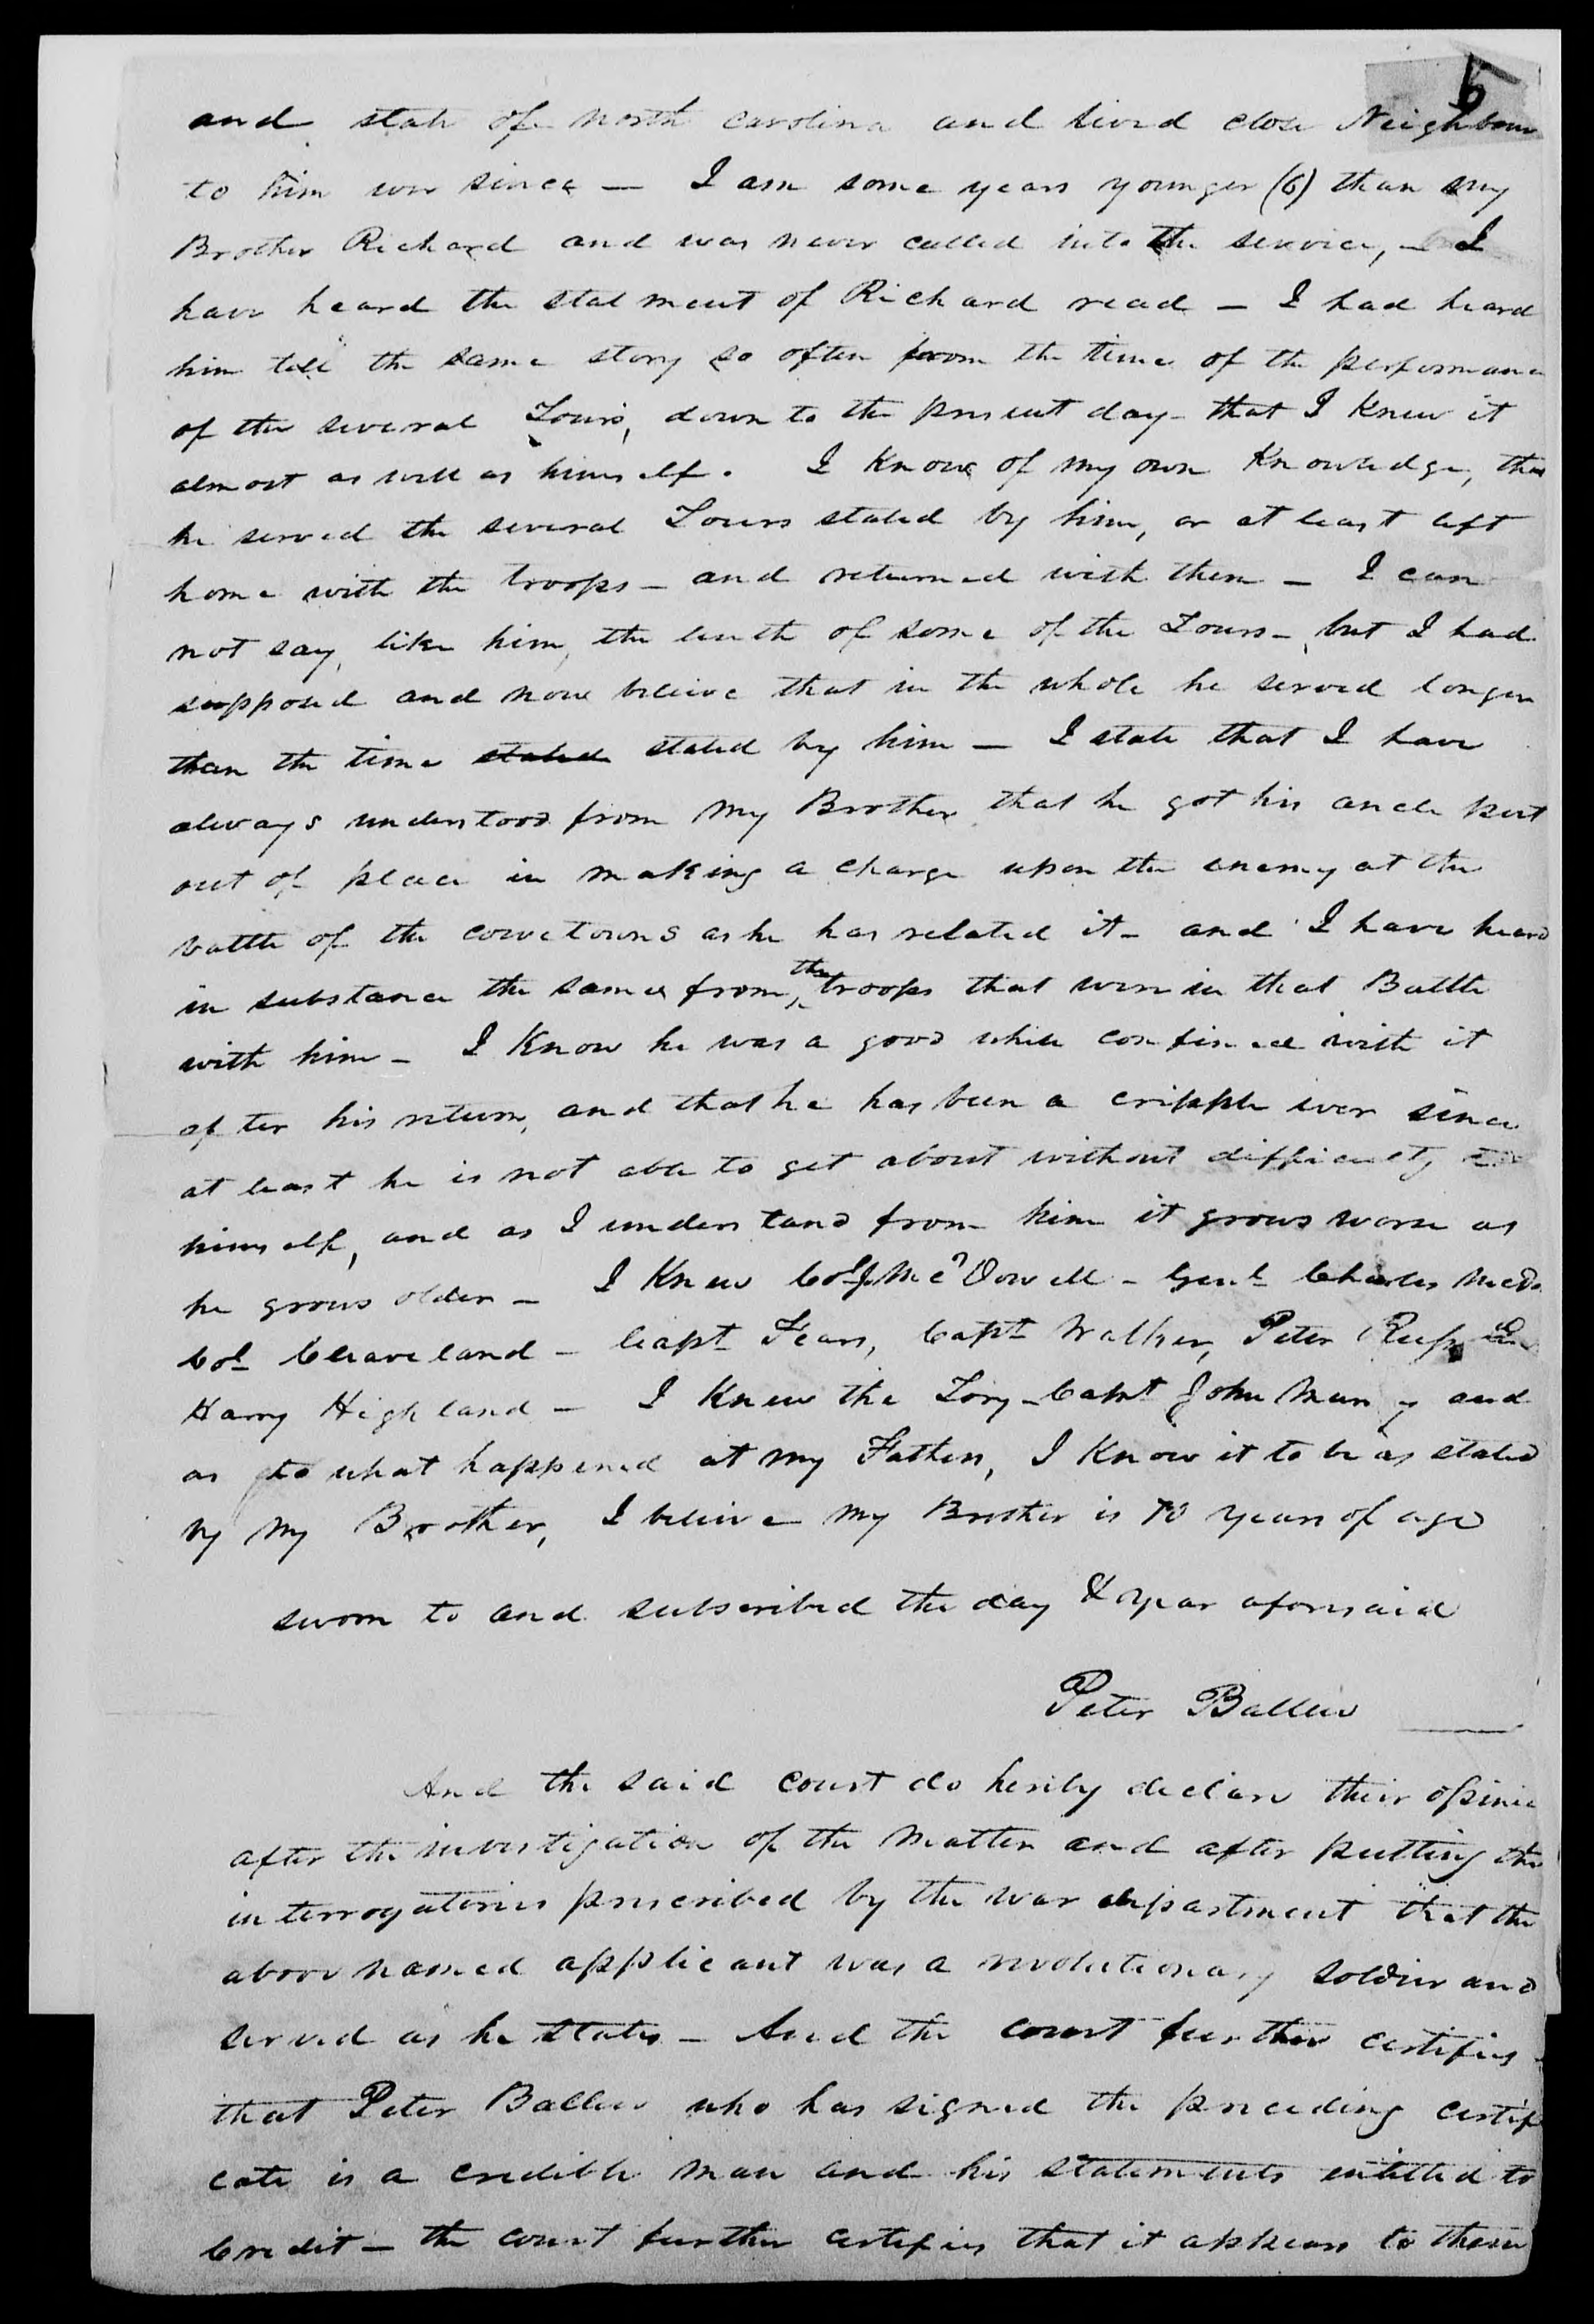and state of North Carolina and lived close neighbors
to him ever since --I am some years younger (6) than my
brother Richard and was never called into the service,--I 
have heard the statement of Richard read.  I had heard
him tell the same story so often from the time of the performance
of the several Tours; down to the present day.--that I knew it
almost as well as himself.  I know of my own knowledge,  that
he served the several Tours stated by him, or at least left
home with the troops-- and returned with them--I can not
say, like him, the lenth of some of the Tours-- but I had 
supposed and now believe that in the whole he served longer
than the time stated by him.  I state that I have always
understood from my brother that he got his ankle put out
of place in making a charge upon the enemy at the battle of
the [illegible]  as he has related it.--and I have from in
substance the same from the troops that were in that battle
with him.  I know he was a good while confined with it after
his return, and that he has been a cripple ever since at
least he is not able to get about without difficulty
himself, and as I understand from him it grows worse as he
grows older.  I know Col. J. McDowell--Genl. Charles McDowell--
Col, Cleaveland--Capt Fears,  Capt. Walker, Peter Russ, [illegible]
Harry Highland-- I know the Tory-- Capt. John Man[smudge] and
as to what happened at my Fathers, I know it to be as stated by
my brother,  I believe my brother is 70 years of age.
(signature of Peter Ballew)

And the said court do hereby declare their opinion
after the investigation of the matter and after putting the
interrogatories prescribed by the was department that the
above named applicant was a revolutionary soldier and
served as he states-- And the court further certifies that
Peter Bellew who has signed the preceeding certificate
is a credible man and his statements entitled to credit--
the court further certifies that it appears to them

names: Cleaveland, John Murray, Richard, Harry Highland, Richard, Walker, J Mc Dowell, Peter Ballew, Charles, Peter Russ, Peter Ballew, Fears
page: 10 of 33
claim: survivor's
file: S. 15305, Richard Ballew, N.C.